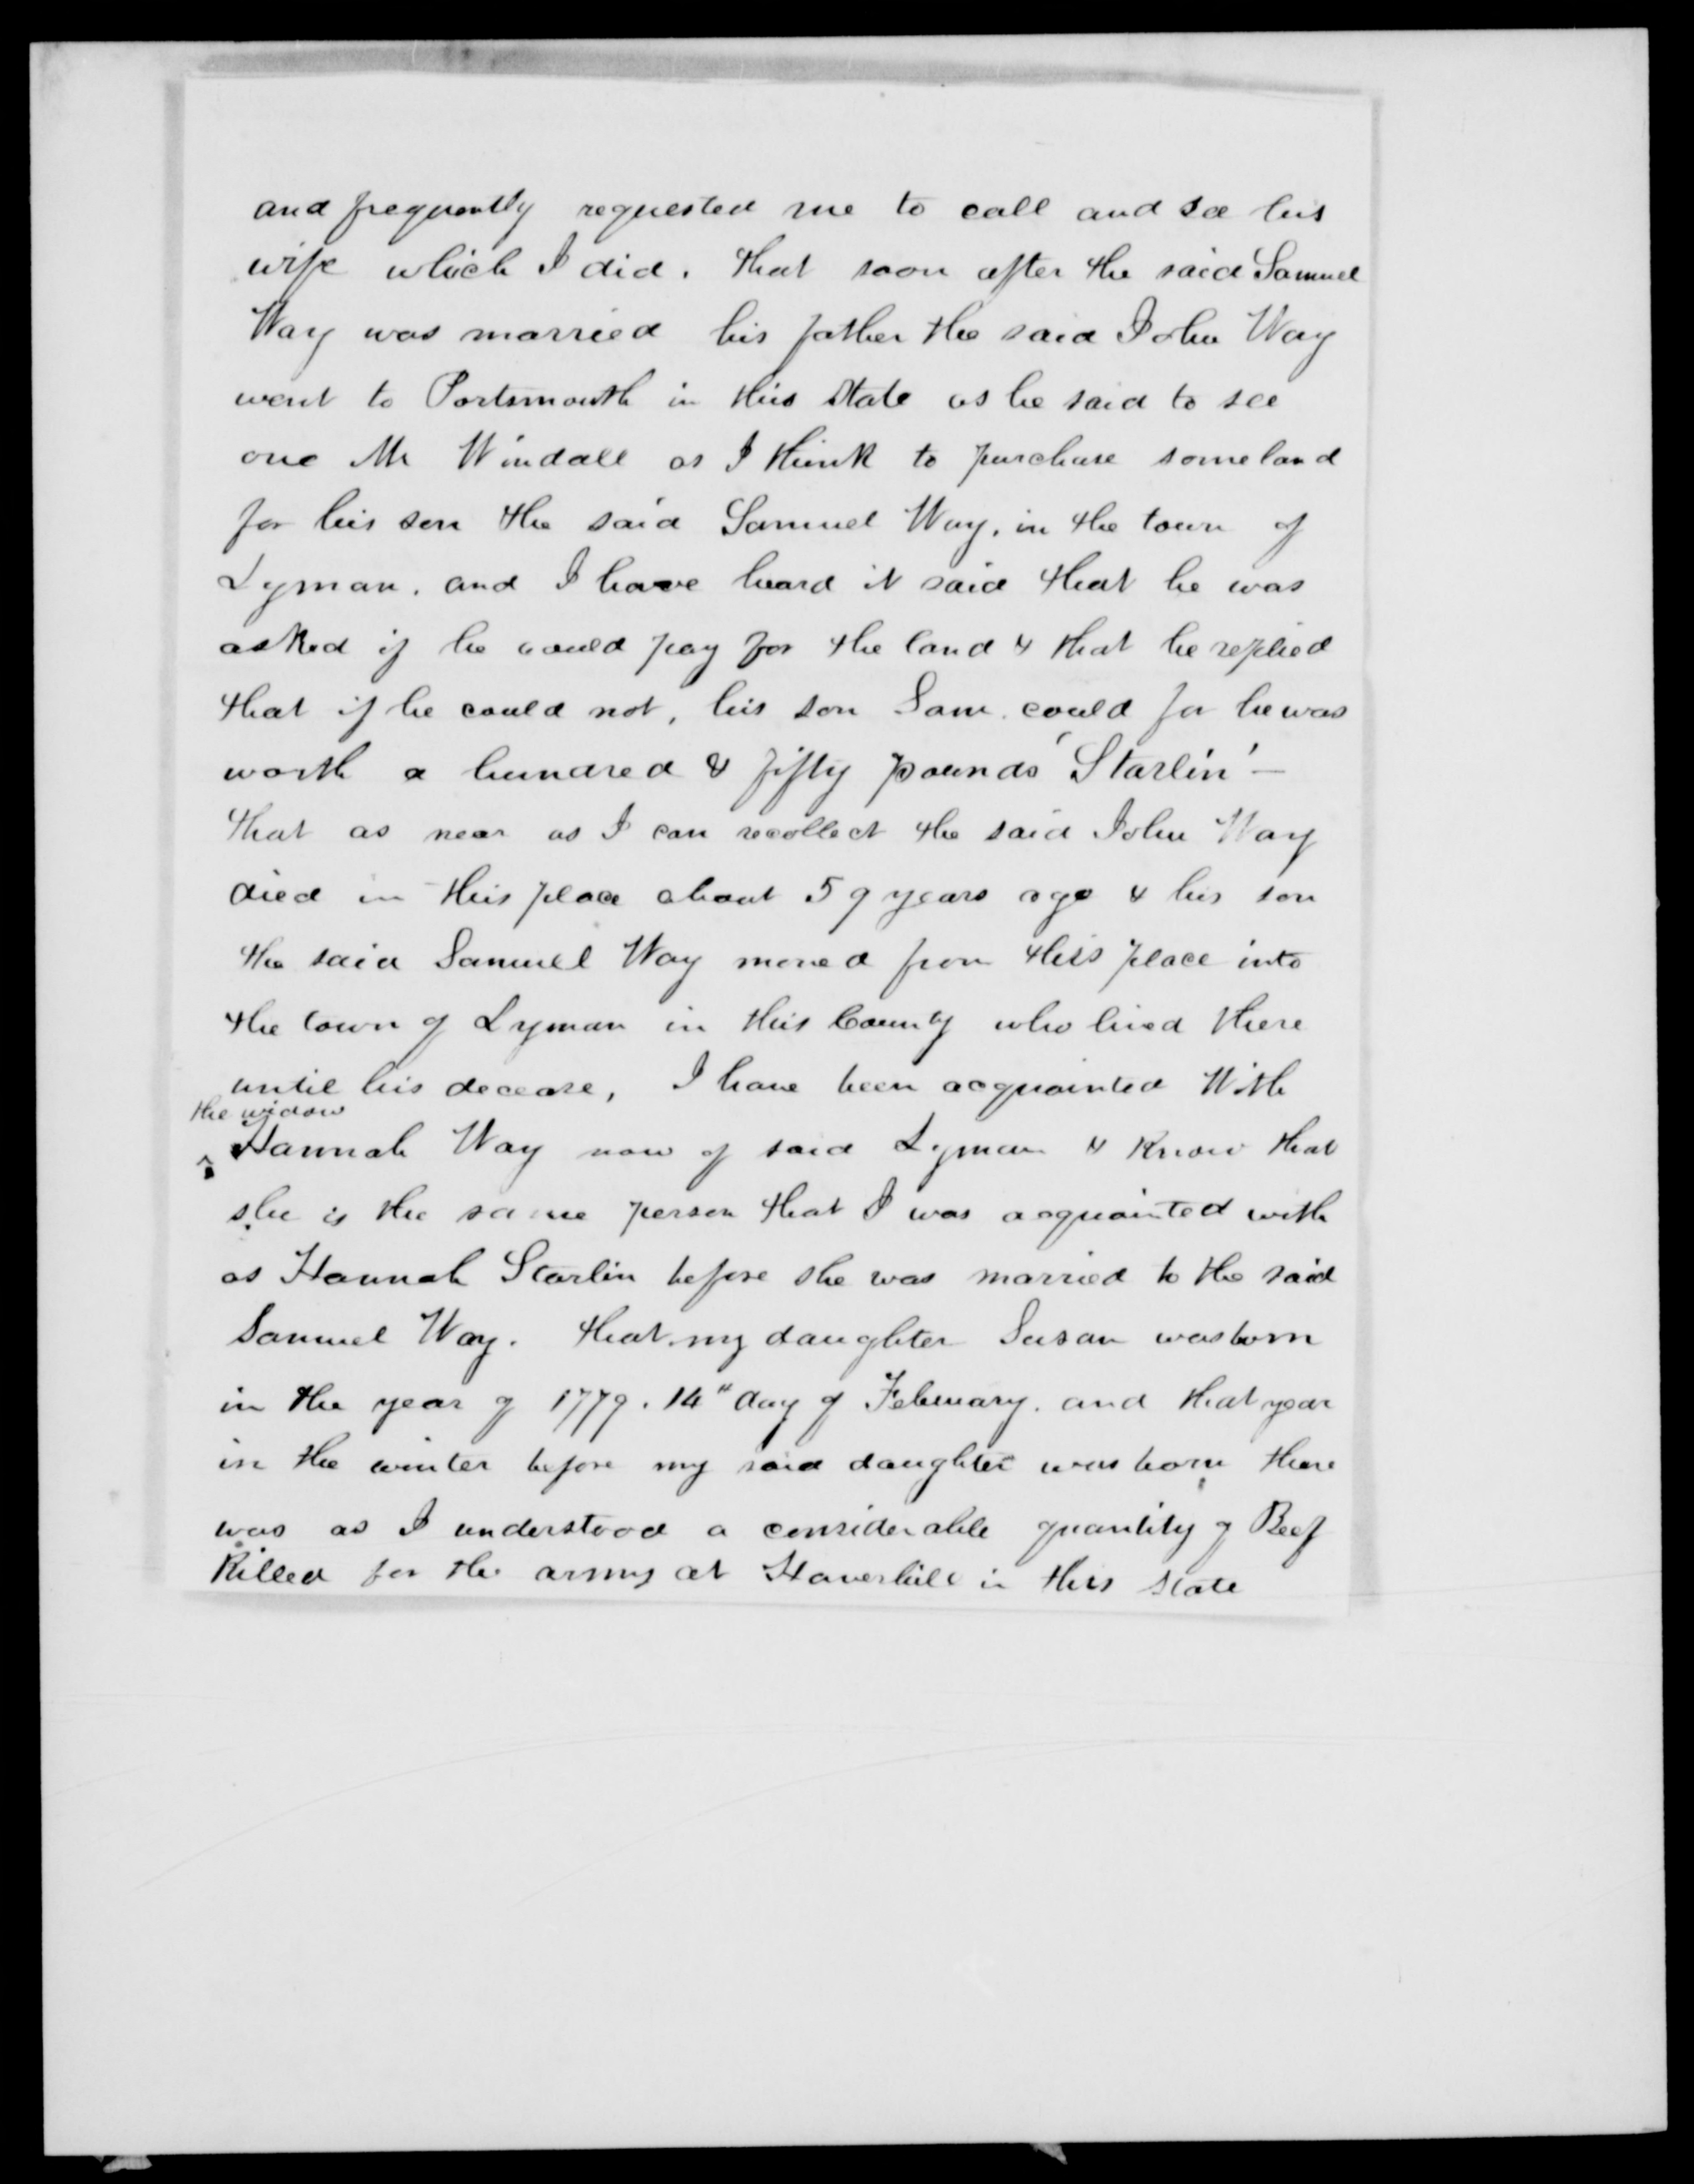and frequently requested me to call and see his
wife which I did. that soon after the said Samuel
Way was married his father the said John Way
went to Portsmouth in this State as he said to see
one Mr Windall as I think to purchase some land
for his son the said Samuel Way, in the town of
Lyman, and I have heard it said that he was
asked if he would pay for the land & that he replied
that if he could not, his son Sam could for he was
worth a hundred & fifty pounds Starlin that
as near as I can recollect the said John Way
died in this place about 59 years age & his son
the said Samuel Way more of from this place into
the town of Lyman in this County who lived there
until his decease. I have been acquainted with
the widow
Hannah Way now of said Lyman & know that
she is the same person that I was acquainted with
as Hannah Starlin before she was married to the said
Samuel Way. That my daughter Susan was born
in the year of 1779, 14th day of February and that year
in the winter before my said daughter was born there
was as I understood a considerable quantity of Beef
killed for the army at Haverhill in this State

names: Hannah Way, Hannah Starlin, Sam, Susan, John Way, Samuel Way, Windall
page: 5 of 78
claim: widow's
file: W. 25856, Samuel Way, N.H.